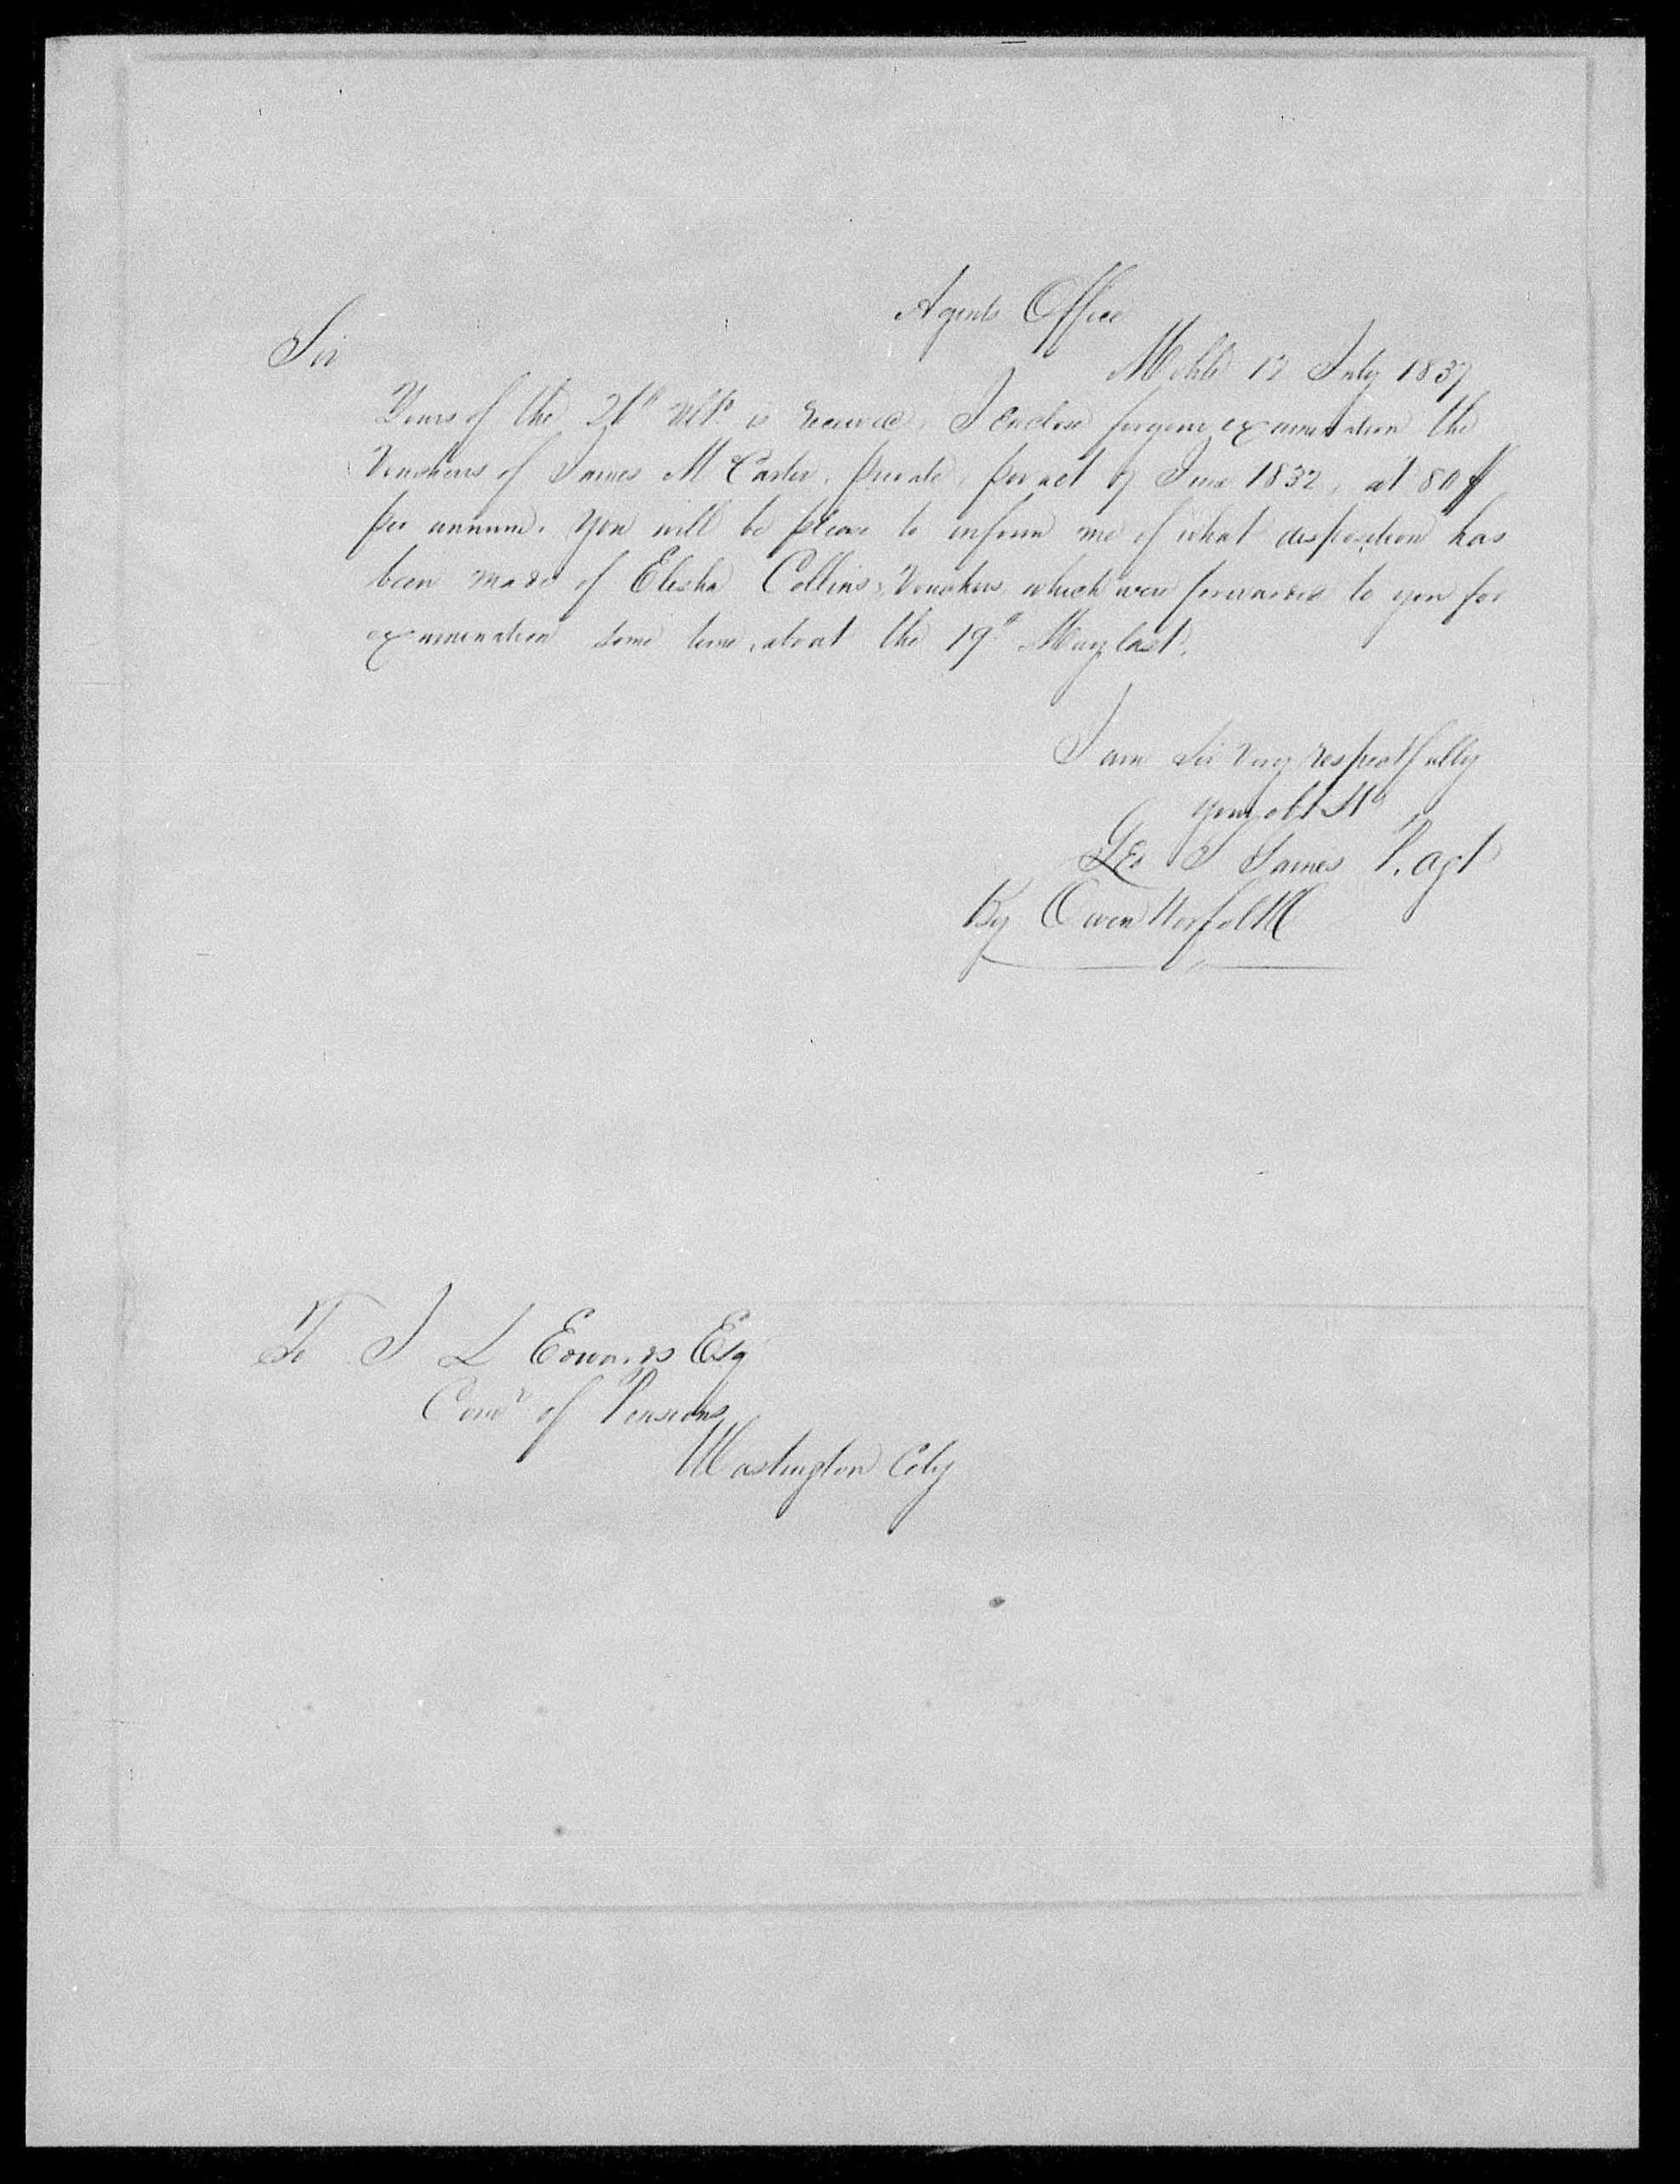Agents Office
Mobile17 July 1837

Sir

Yours of the 21st [illegible] is received. I enclose for your examination the Vouchers of James McCarter, filed for act of June 1832, at 80$ per annum, you will be please to inform me of what disposition has been made of Elisha Collins, Vouchers which were forwarded to you for examination some time about the 19th May last.

I am Sir very respectfully your obt Svt
Geo. S. James agt
By Owen Norfolk

To J. L. Edwards Esq
Com of Pension
Washington City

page: 19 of 45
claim: survivor's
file: S. 13,890, for James Mc Carter, South Carolina